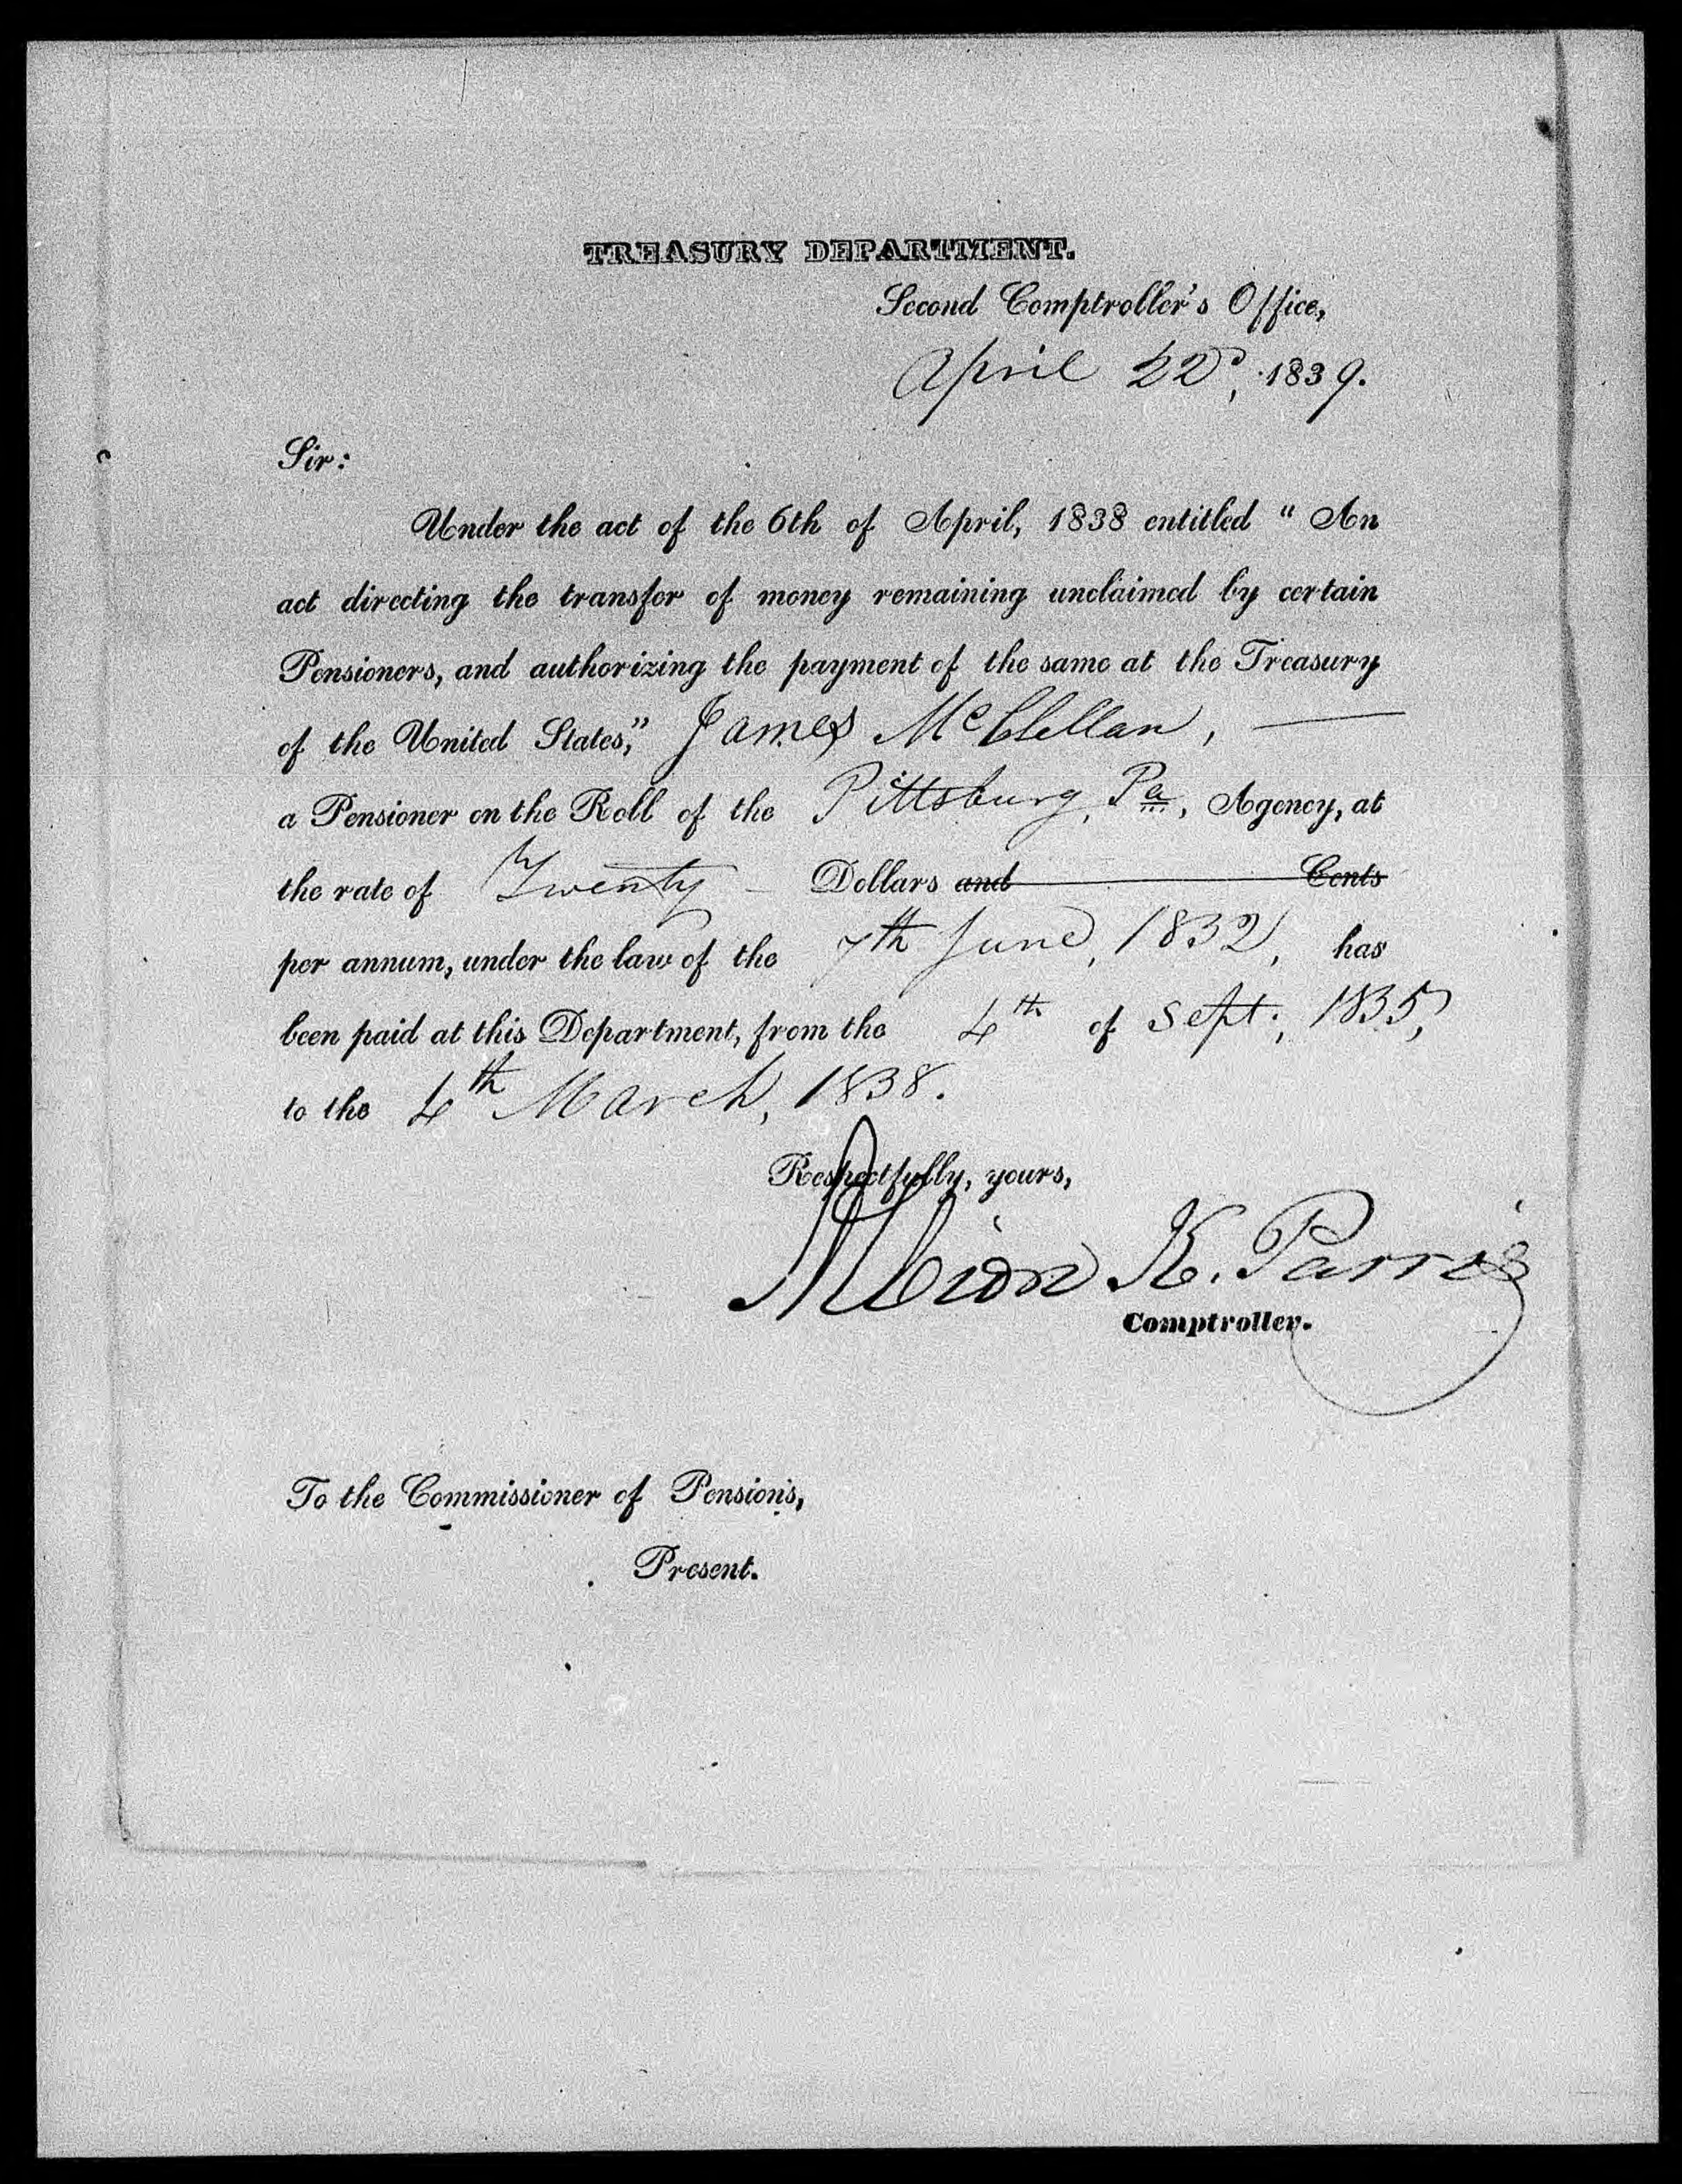TREASURY DEPARTMENT
Second Comptroller's Office
April 22, 1839

Sir:

Under the act of the 6th of April, 1838, entitled "An act directing the transfer of money remaining unclaimed by certain Pensioners, and authorizing the payment of the same at the Treasury of the United States" and the 3d section of the Act of August 23, 1842, extending the time within whith pensioners may receive their pensions from the pension agents, James McClellan a Pensioner on the Roll of the Pittsburgh Pa Agency, at the rate of Twenty Dollars and no Cents per annum, under the law of the 7th June 1832, has been paid at this Department, from the 4th of Sept 1835 to the 4th March 1838.

Respectfully, yours 

Albion K. Parris 
Comptroller

To The Commissioner of Pensions, Present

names: Albion K Parris; James Mc Clellan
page: 15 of 16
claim: survivor's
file: S. 2764, for James Mc Clellan, Pennsylvania